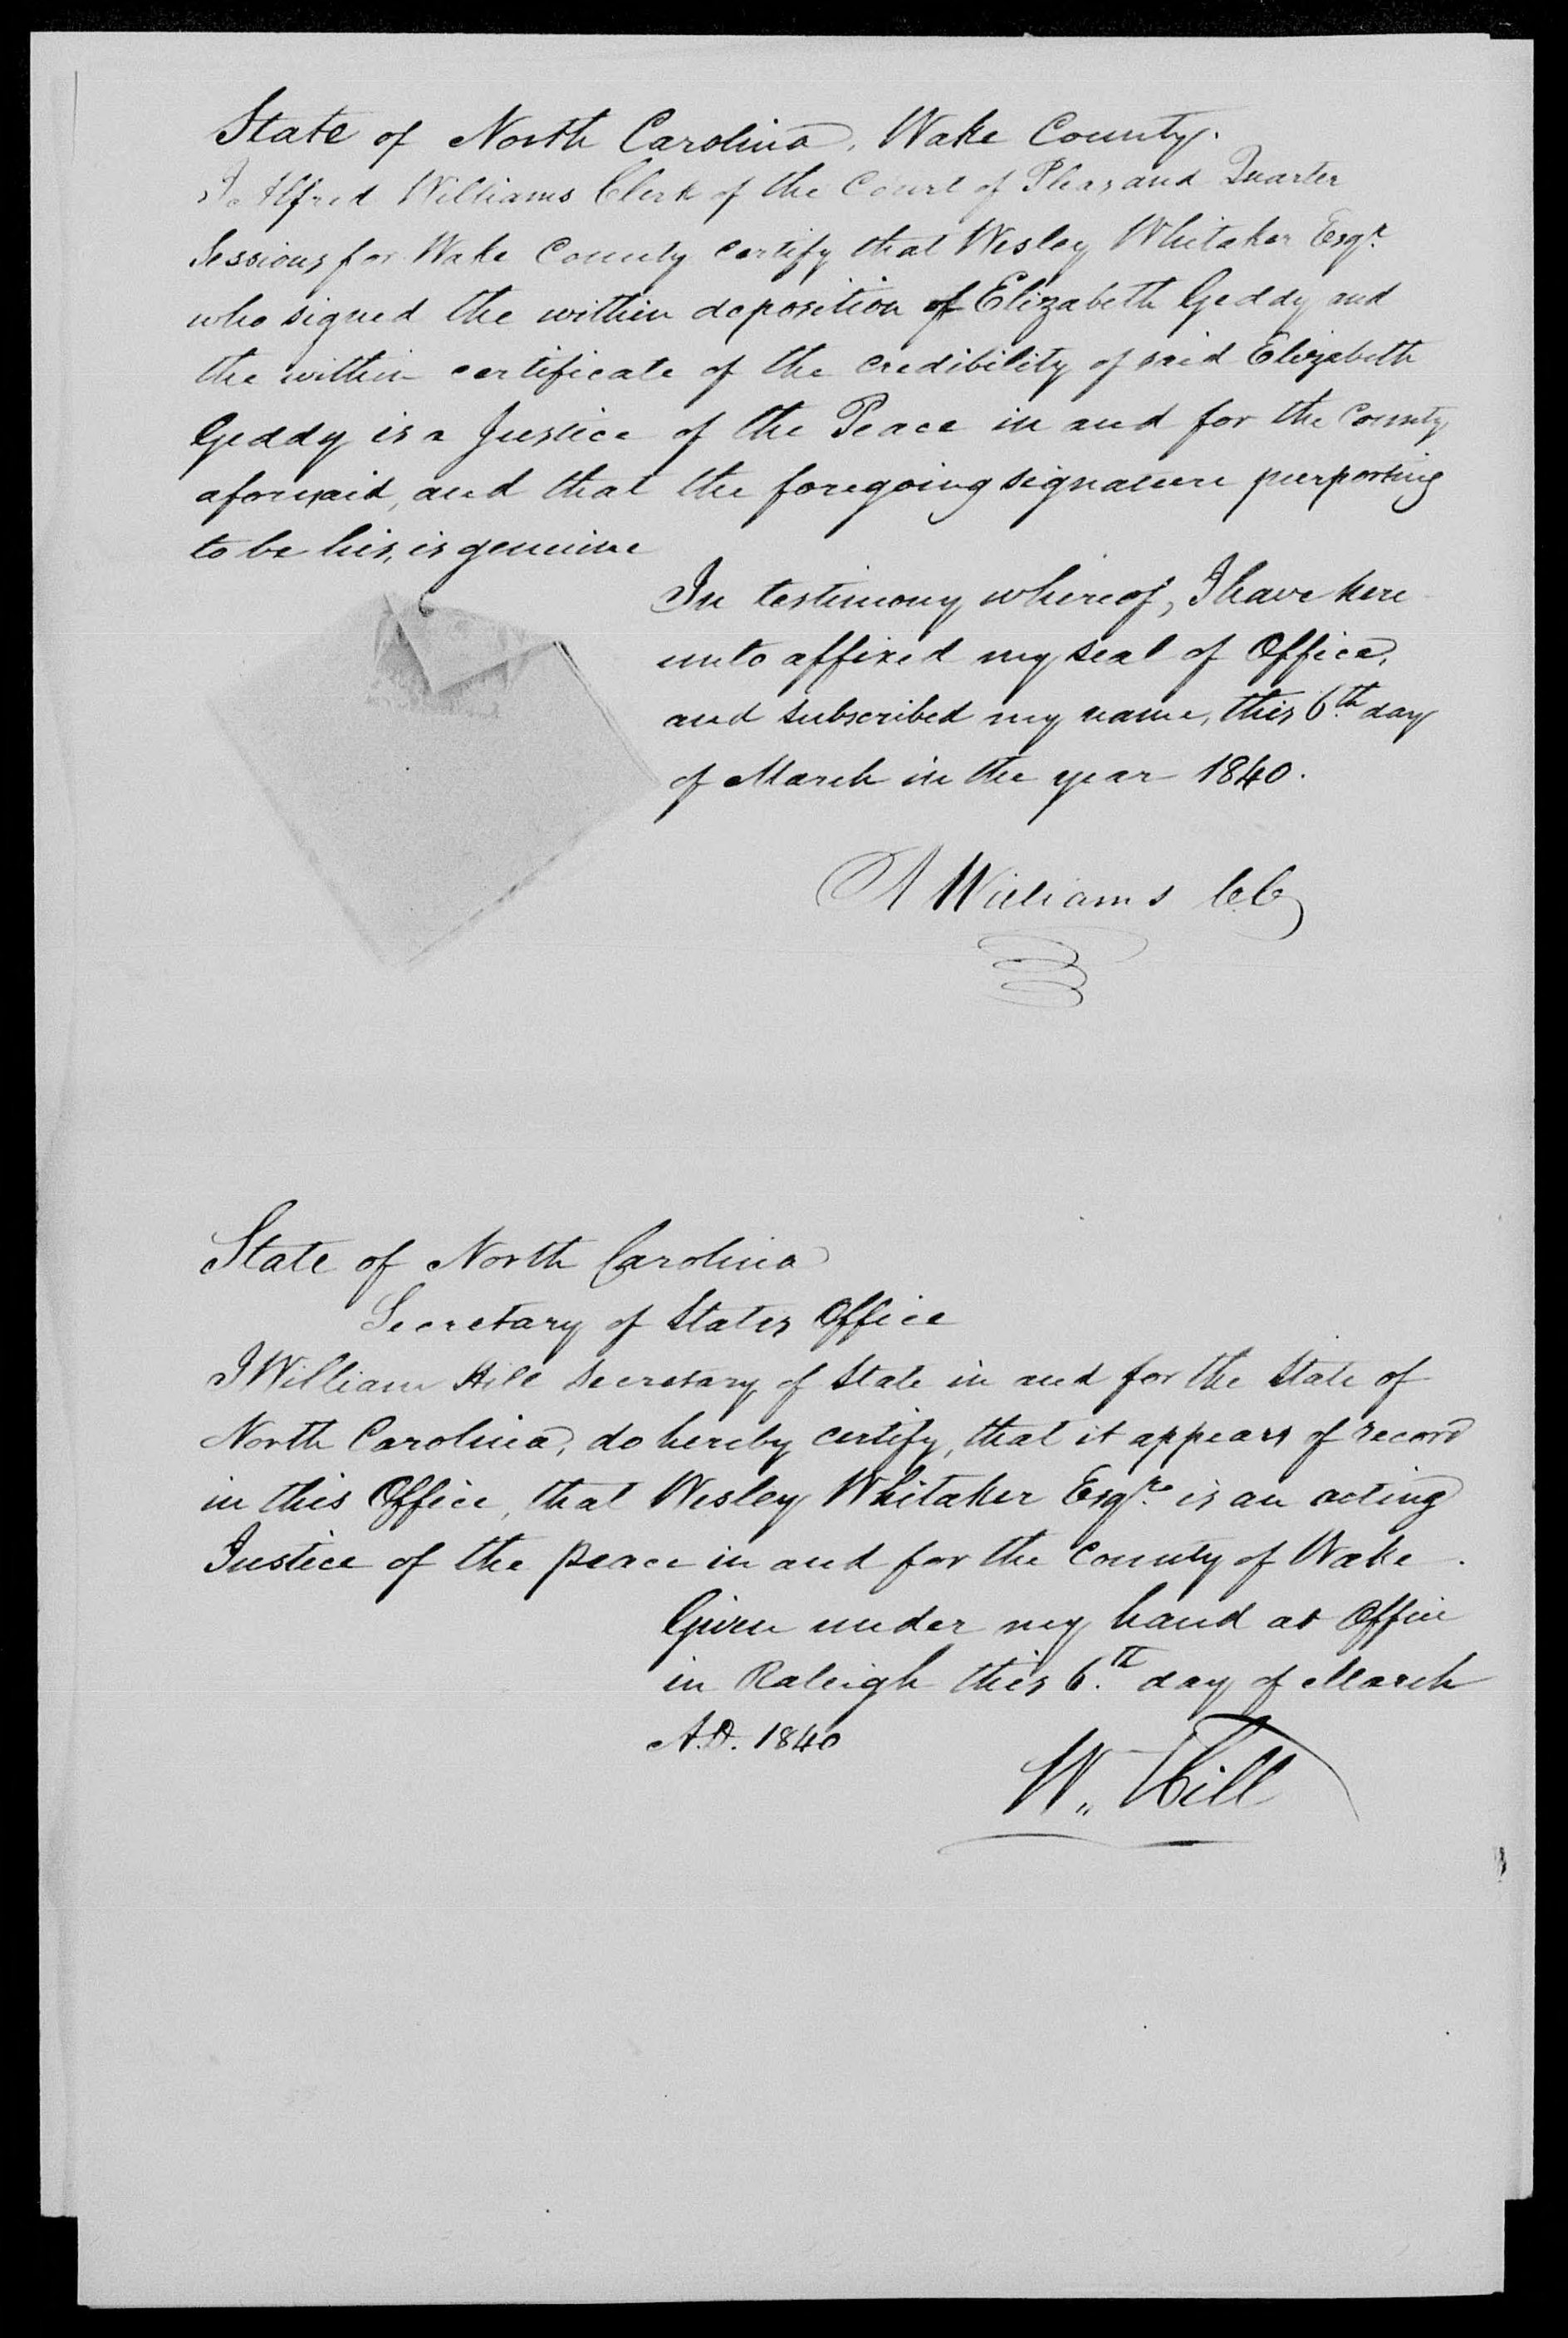State of North Carolina, Wake County
I Alfred Williams Clerk of the Court of Pleas and Quarter Sessions for Wake County certify that Wesley Whitaker Esq. who signed the within deposition of Elizabeth Geddy and the within certificate of credibility of said Elizabeth Geddy is a Justice of the Peace in and for the county aforesaid and that the foregoing signature purporting to be his is genuine.

In testimony whereof, I have hereunto affixed my seal of office and subscribed my name, this 6th day of March in the year 1840.

/A Williams CC/

State of North Carolina
Secretary of States Office
I William Hill secretary of state indeed for the State of North Carolina do hereby certify that it appears of record in this office, that Wesley Whitaker Esq. is an acting Justice of the peace in and for the county of Wake.

Given under my hand at office in Raleigh this 6th day of March A.D. 1840

/W. Hill/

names: Wesley Whitaker, Alfred Williams, Elizabeth Geddy, A Williams, William Hill, Wesley Whitaker, W Hill, Elizabeth Geddy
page: 6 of 39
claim: widow's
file: W. 789, Richard Fenner, N.C.